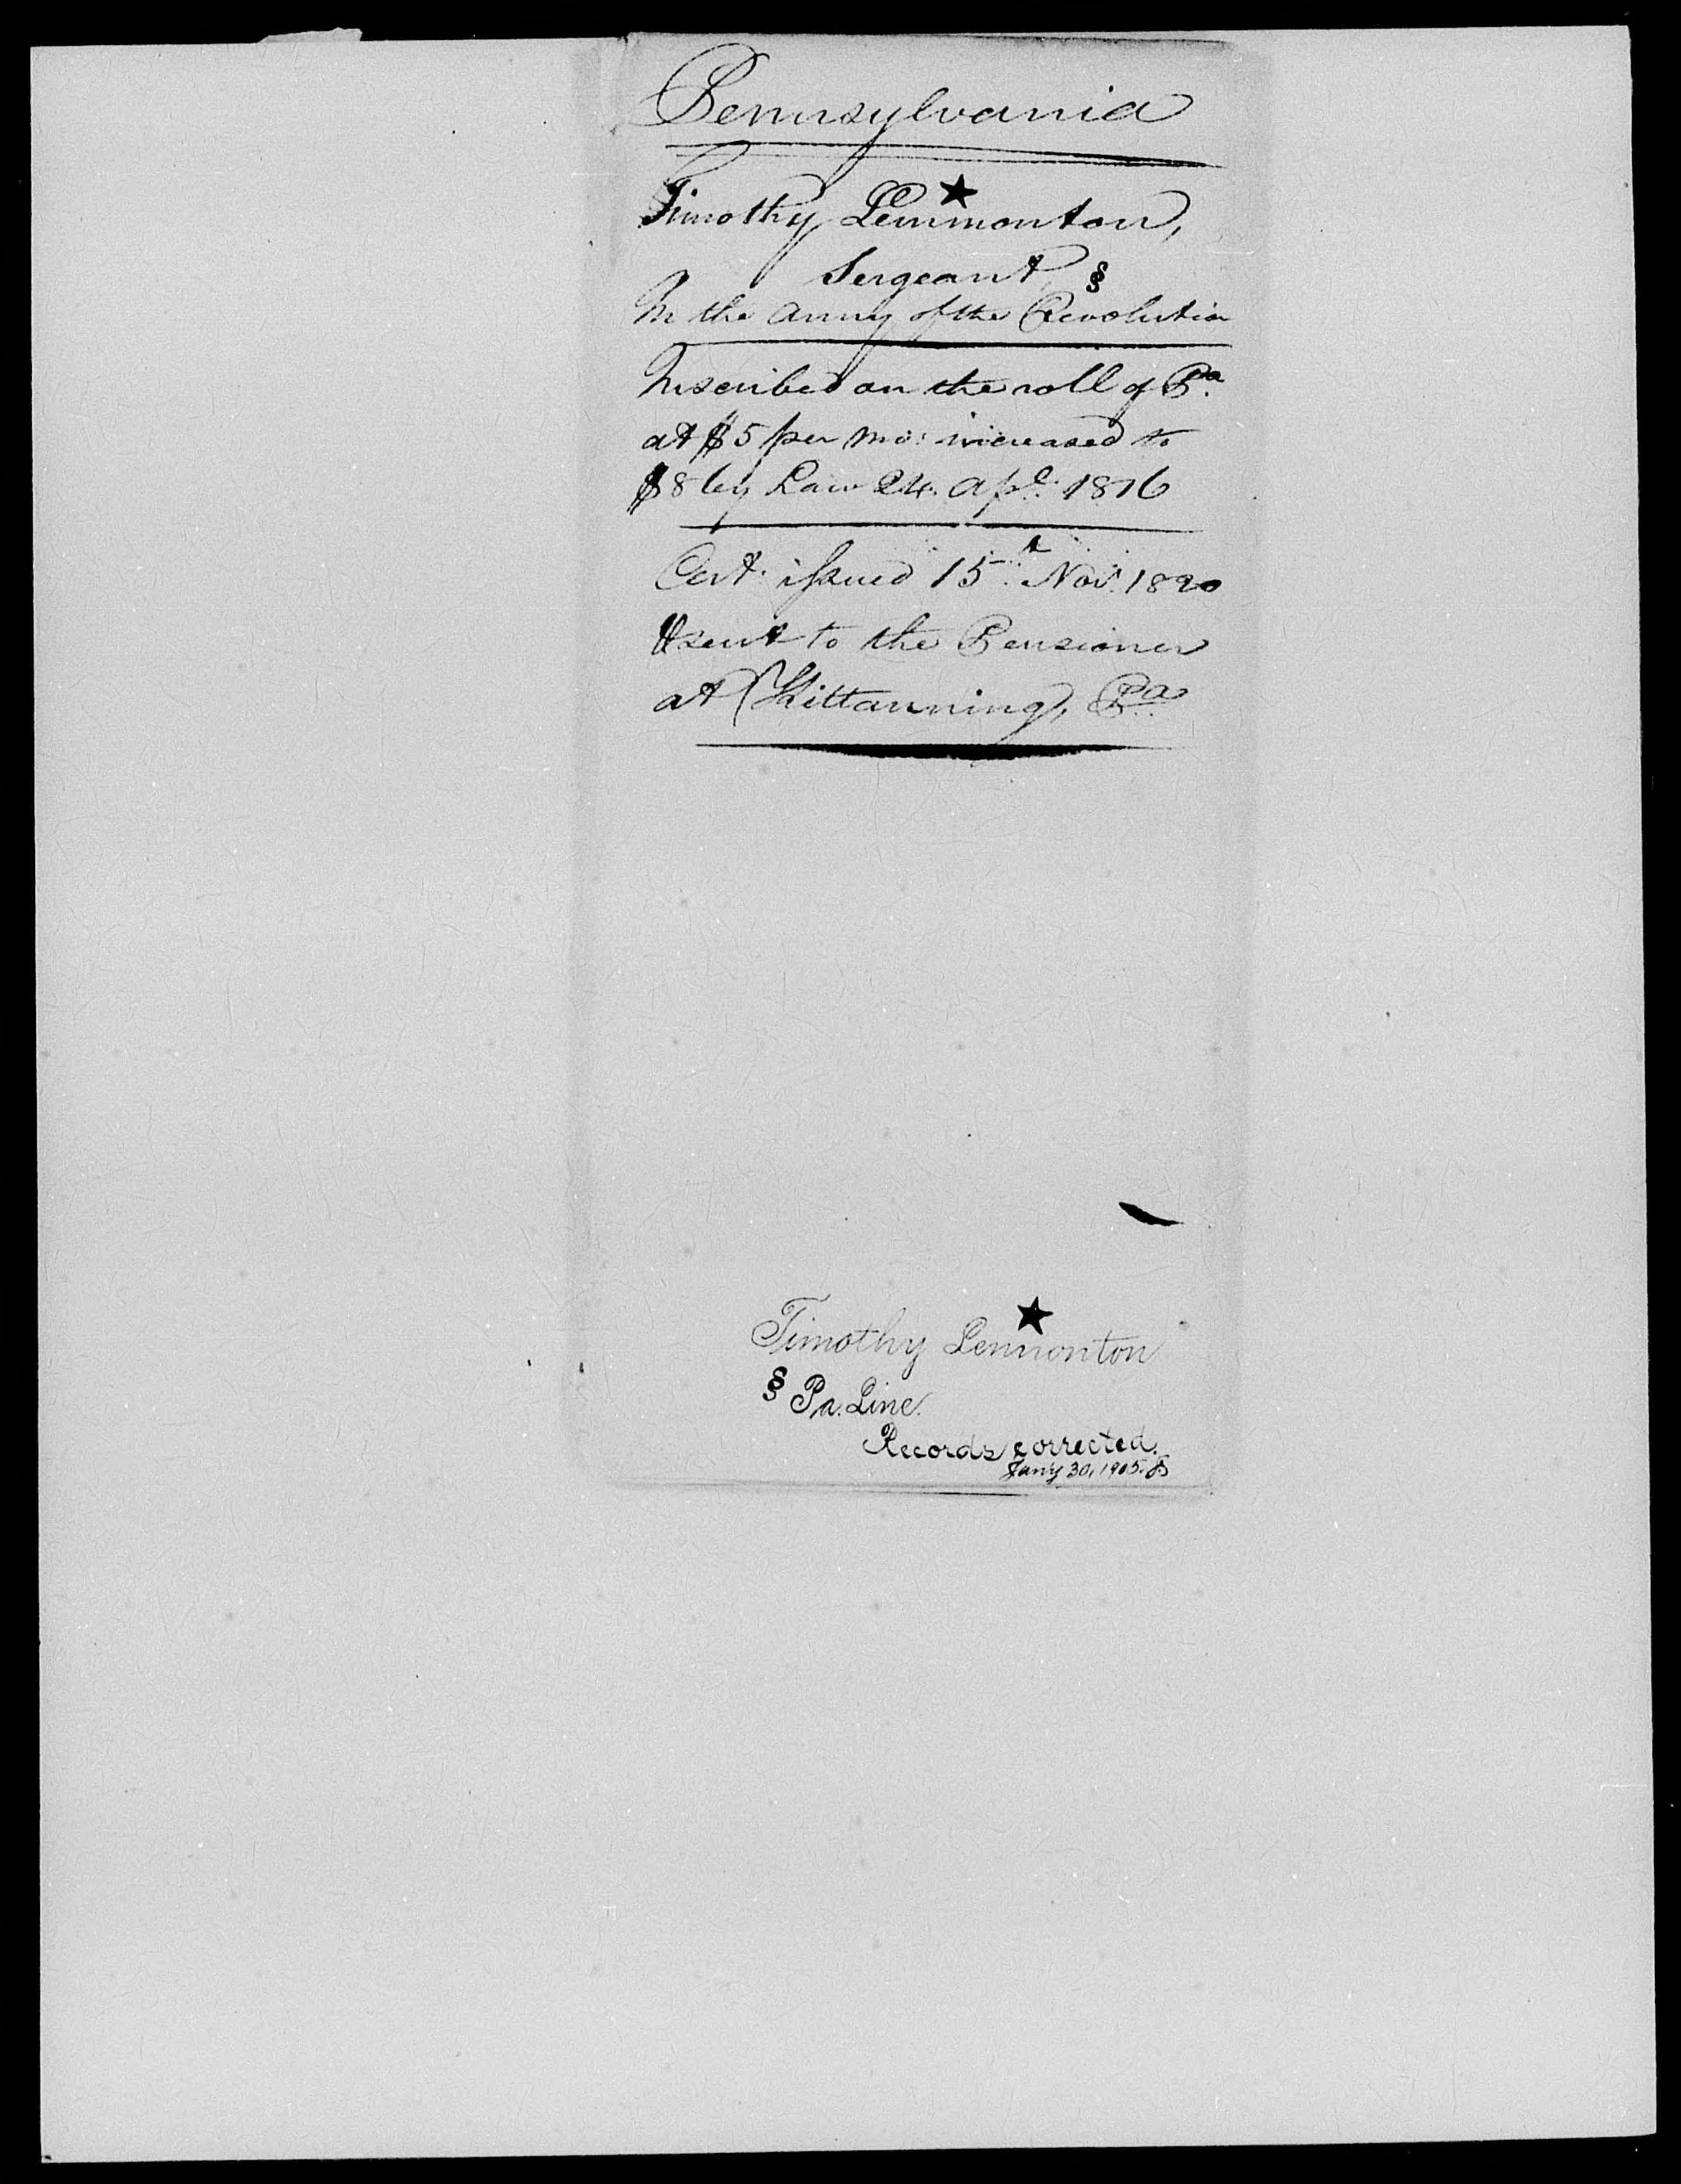Pennsylvania
Timothy Lennonton
Sergeant
In the Army of the Revolution
Inscribed on the rolls of Pa. at $5 per mo. increased to $8 by law 24 April 1876
Certified 15th Nov 1890
Sent to Pensioner at Kittanning, Pa.



Timothy Lennonton
Pa. Line
Records corrected.
Jan'y 30, 1905. [JS]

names: Timothy Lemmonton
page: 3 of 14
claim: survivor's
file: S. 9749, for Timothy Lennonton, Pennsylvania